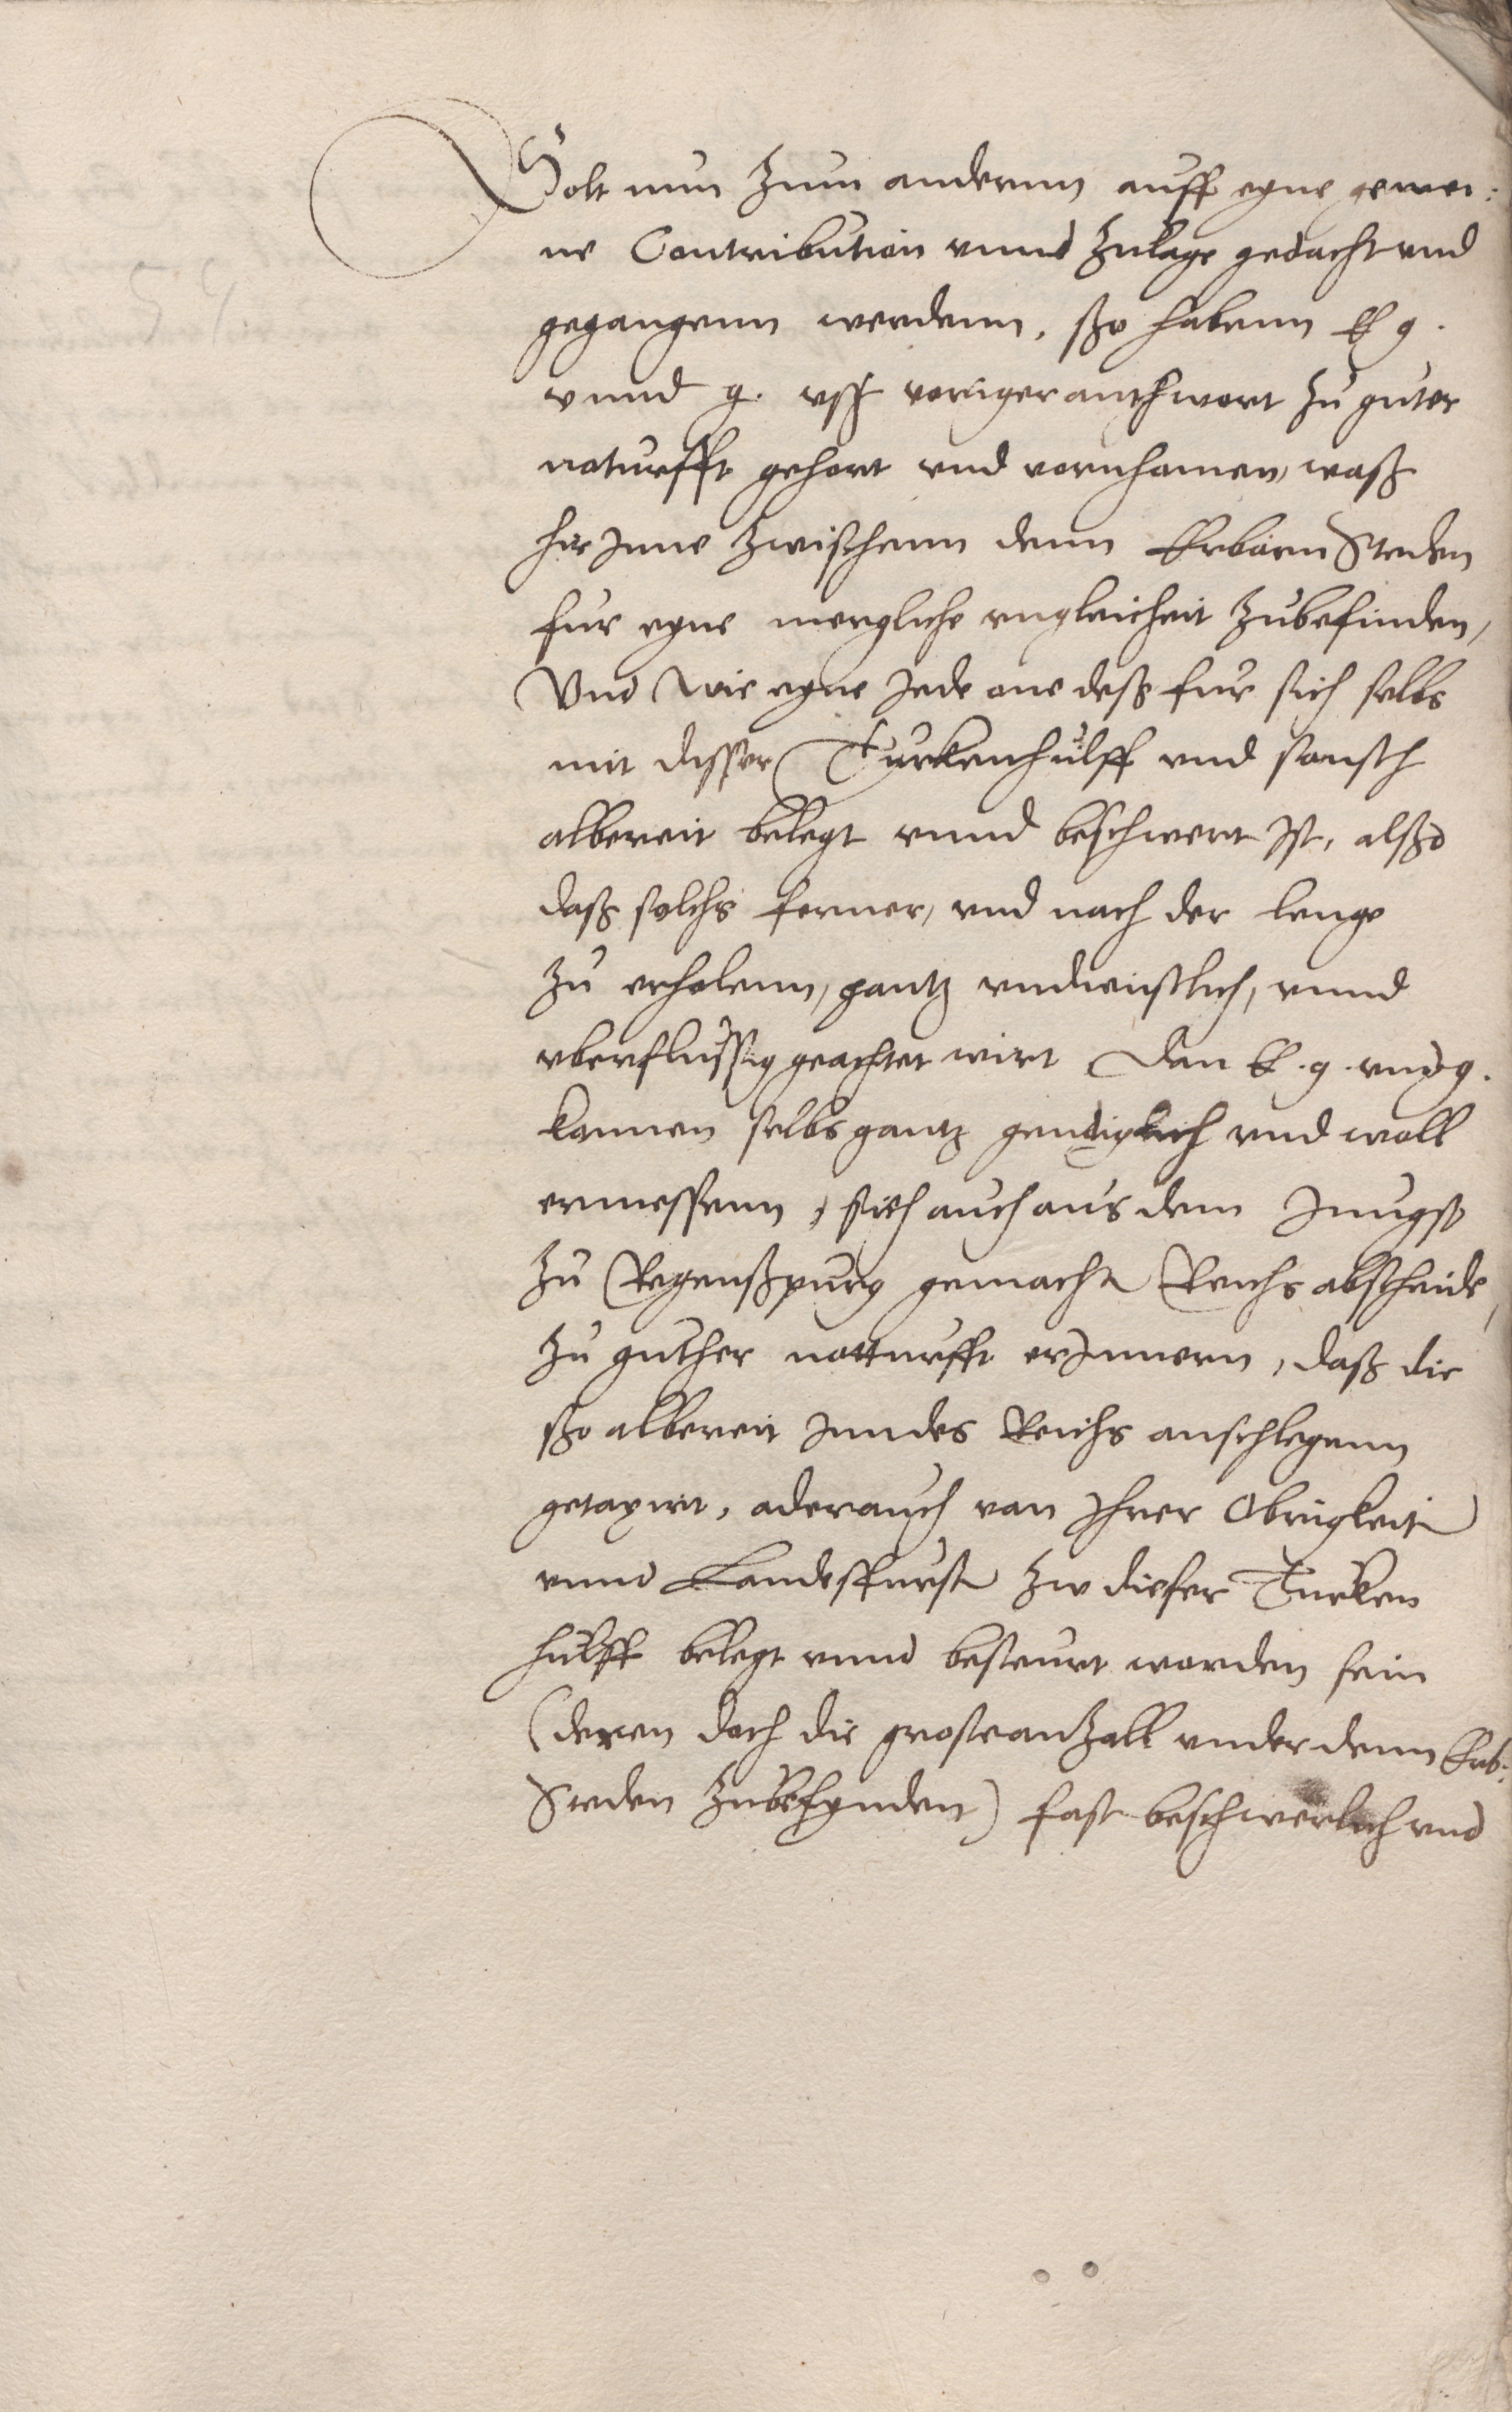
Solt nun zum andernn auff eyne gemei¬
ne Contribution vnnd zulage gedacht vnd
gegangenn werdenn, ßo habenn E g.
vnnd g. vff voriger anthwort zu guter
noturfft gehort vnd vornhomen, waß
hirjnne zwischenn denn Erbarn Steden
fur eyne mergliche vngleicheit zubefinden,
Vnd wie eyne jede one deß fur sich selbs
mit desser Turkenhulff vnd sonsth
albereit belegt vnnd beschwert jst, alßo
daß solchs ferner, vnd nach der lenge
zu erholenn, gantz vndienstlich, vnnd
vberflussig geachtet wirt dan E. g. vnd g.
konnen selbs gantz gendiglich vnd woll
ermessenn, sich auch aus dem jungst
zu Regenßpurg gemachten Reichs abscheide,
zu guther notturfft erjnnern, daß die
ßo albereit jnn des Reichs anschlegenn
getaxirt, ader auch van jhrer Obrigkeiten
vnnd Landesfursten zw dieser Turken
hulff belegt vnnd besteurt worden sein
(deren doch die grose anzall vnder denn Erb:
Steden zubefynden) fast beschwerlich vnd
